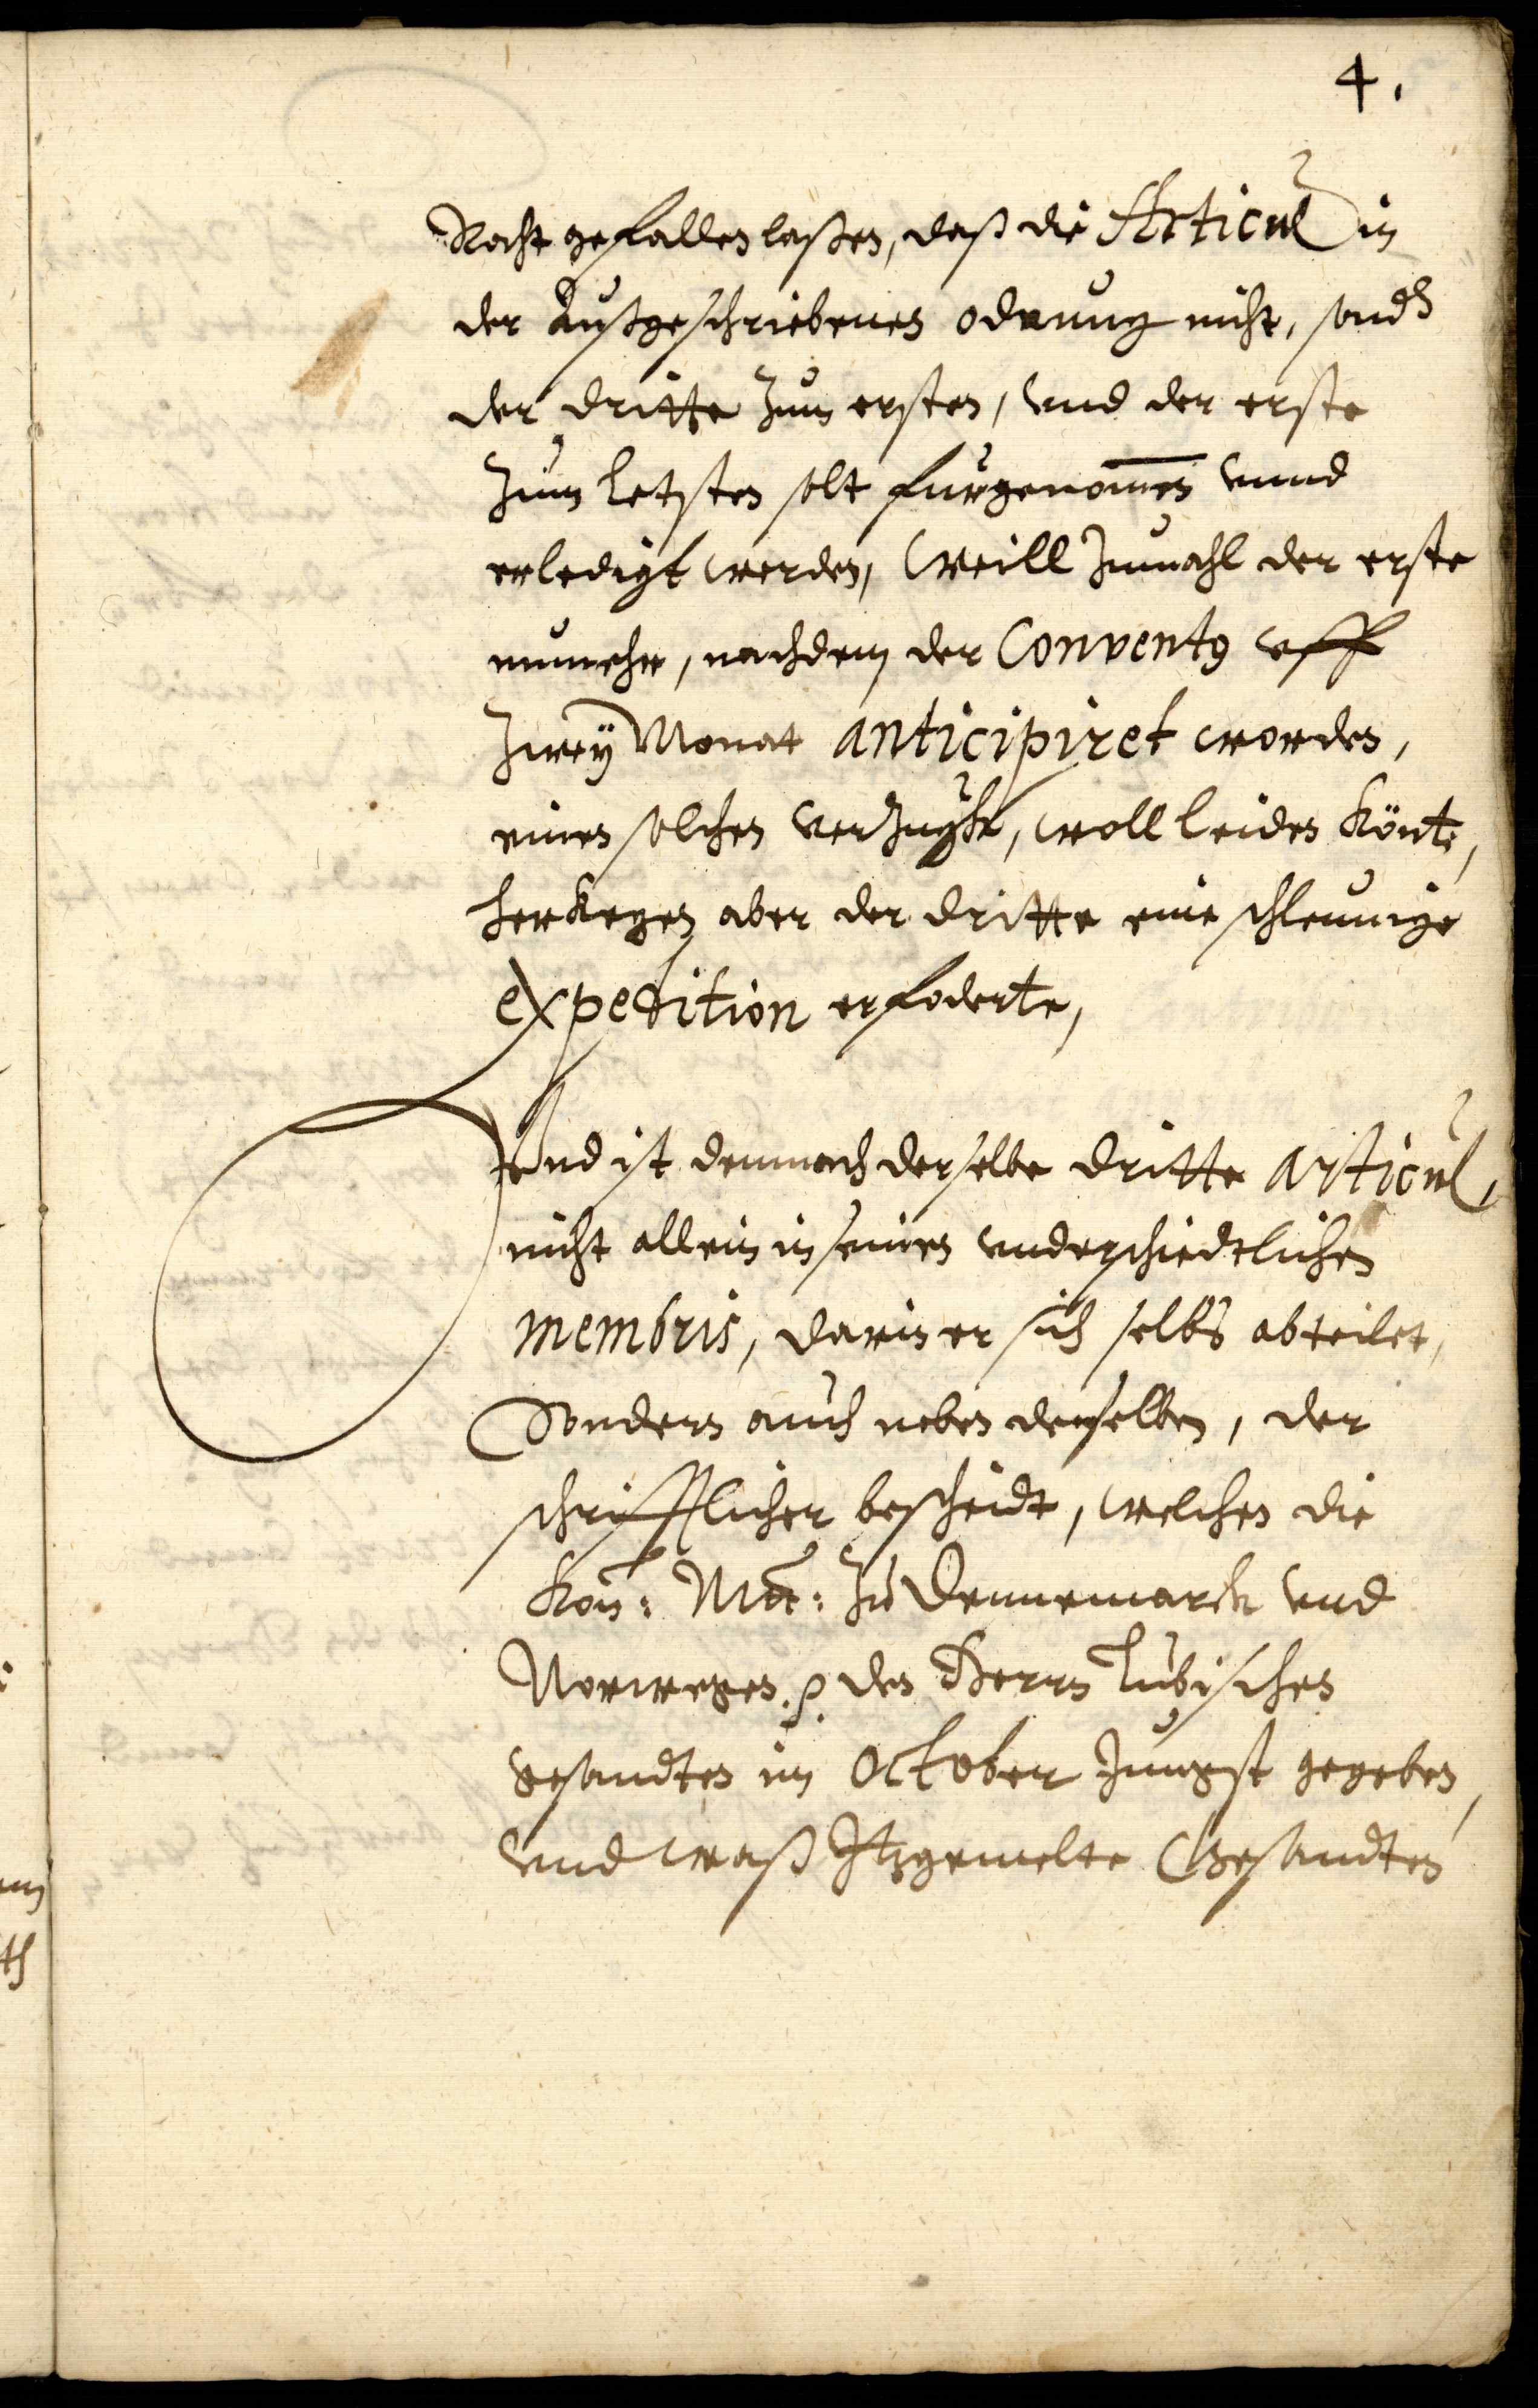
4.
Raht gefallen laßen, daß die Articul in
den Außgeschriebenen odnung nicht, sondern
den dritte zum ersten, vnd der reste
zum Letsten solt furgenommen vnnd
erledigt werden, weill zumahl den erste
numehr, nachdem der Conventus vff
zweij Monat anticipiret worden,
einen solchen verzugk, woll leiden könte,
herkegen aber der dritte eine schleunige
expedition erfoderte,
Vnd ist demnach derselbe dritte articul,
nicht allein in seinen vnderschiedtlichen
membris, darin er sich selbs abteilet,
Sondern auch neben denselben, der
schrifftlicher bescheidt, welchen die
Kon: Mtt: zu Dennemarck vnd
Norwegen .p. den Herrn Lubischen
gesandten im October Jungst gegeben,
vnd waß Itzgemelte Gesandten
